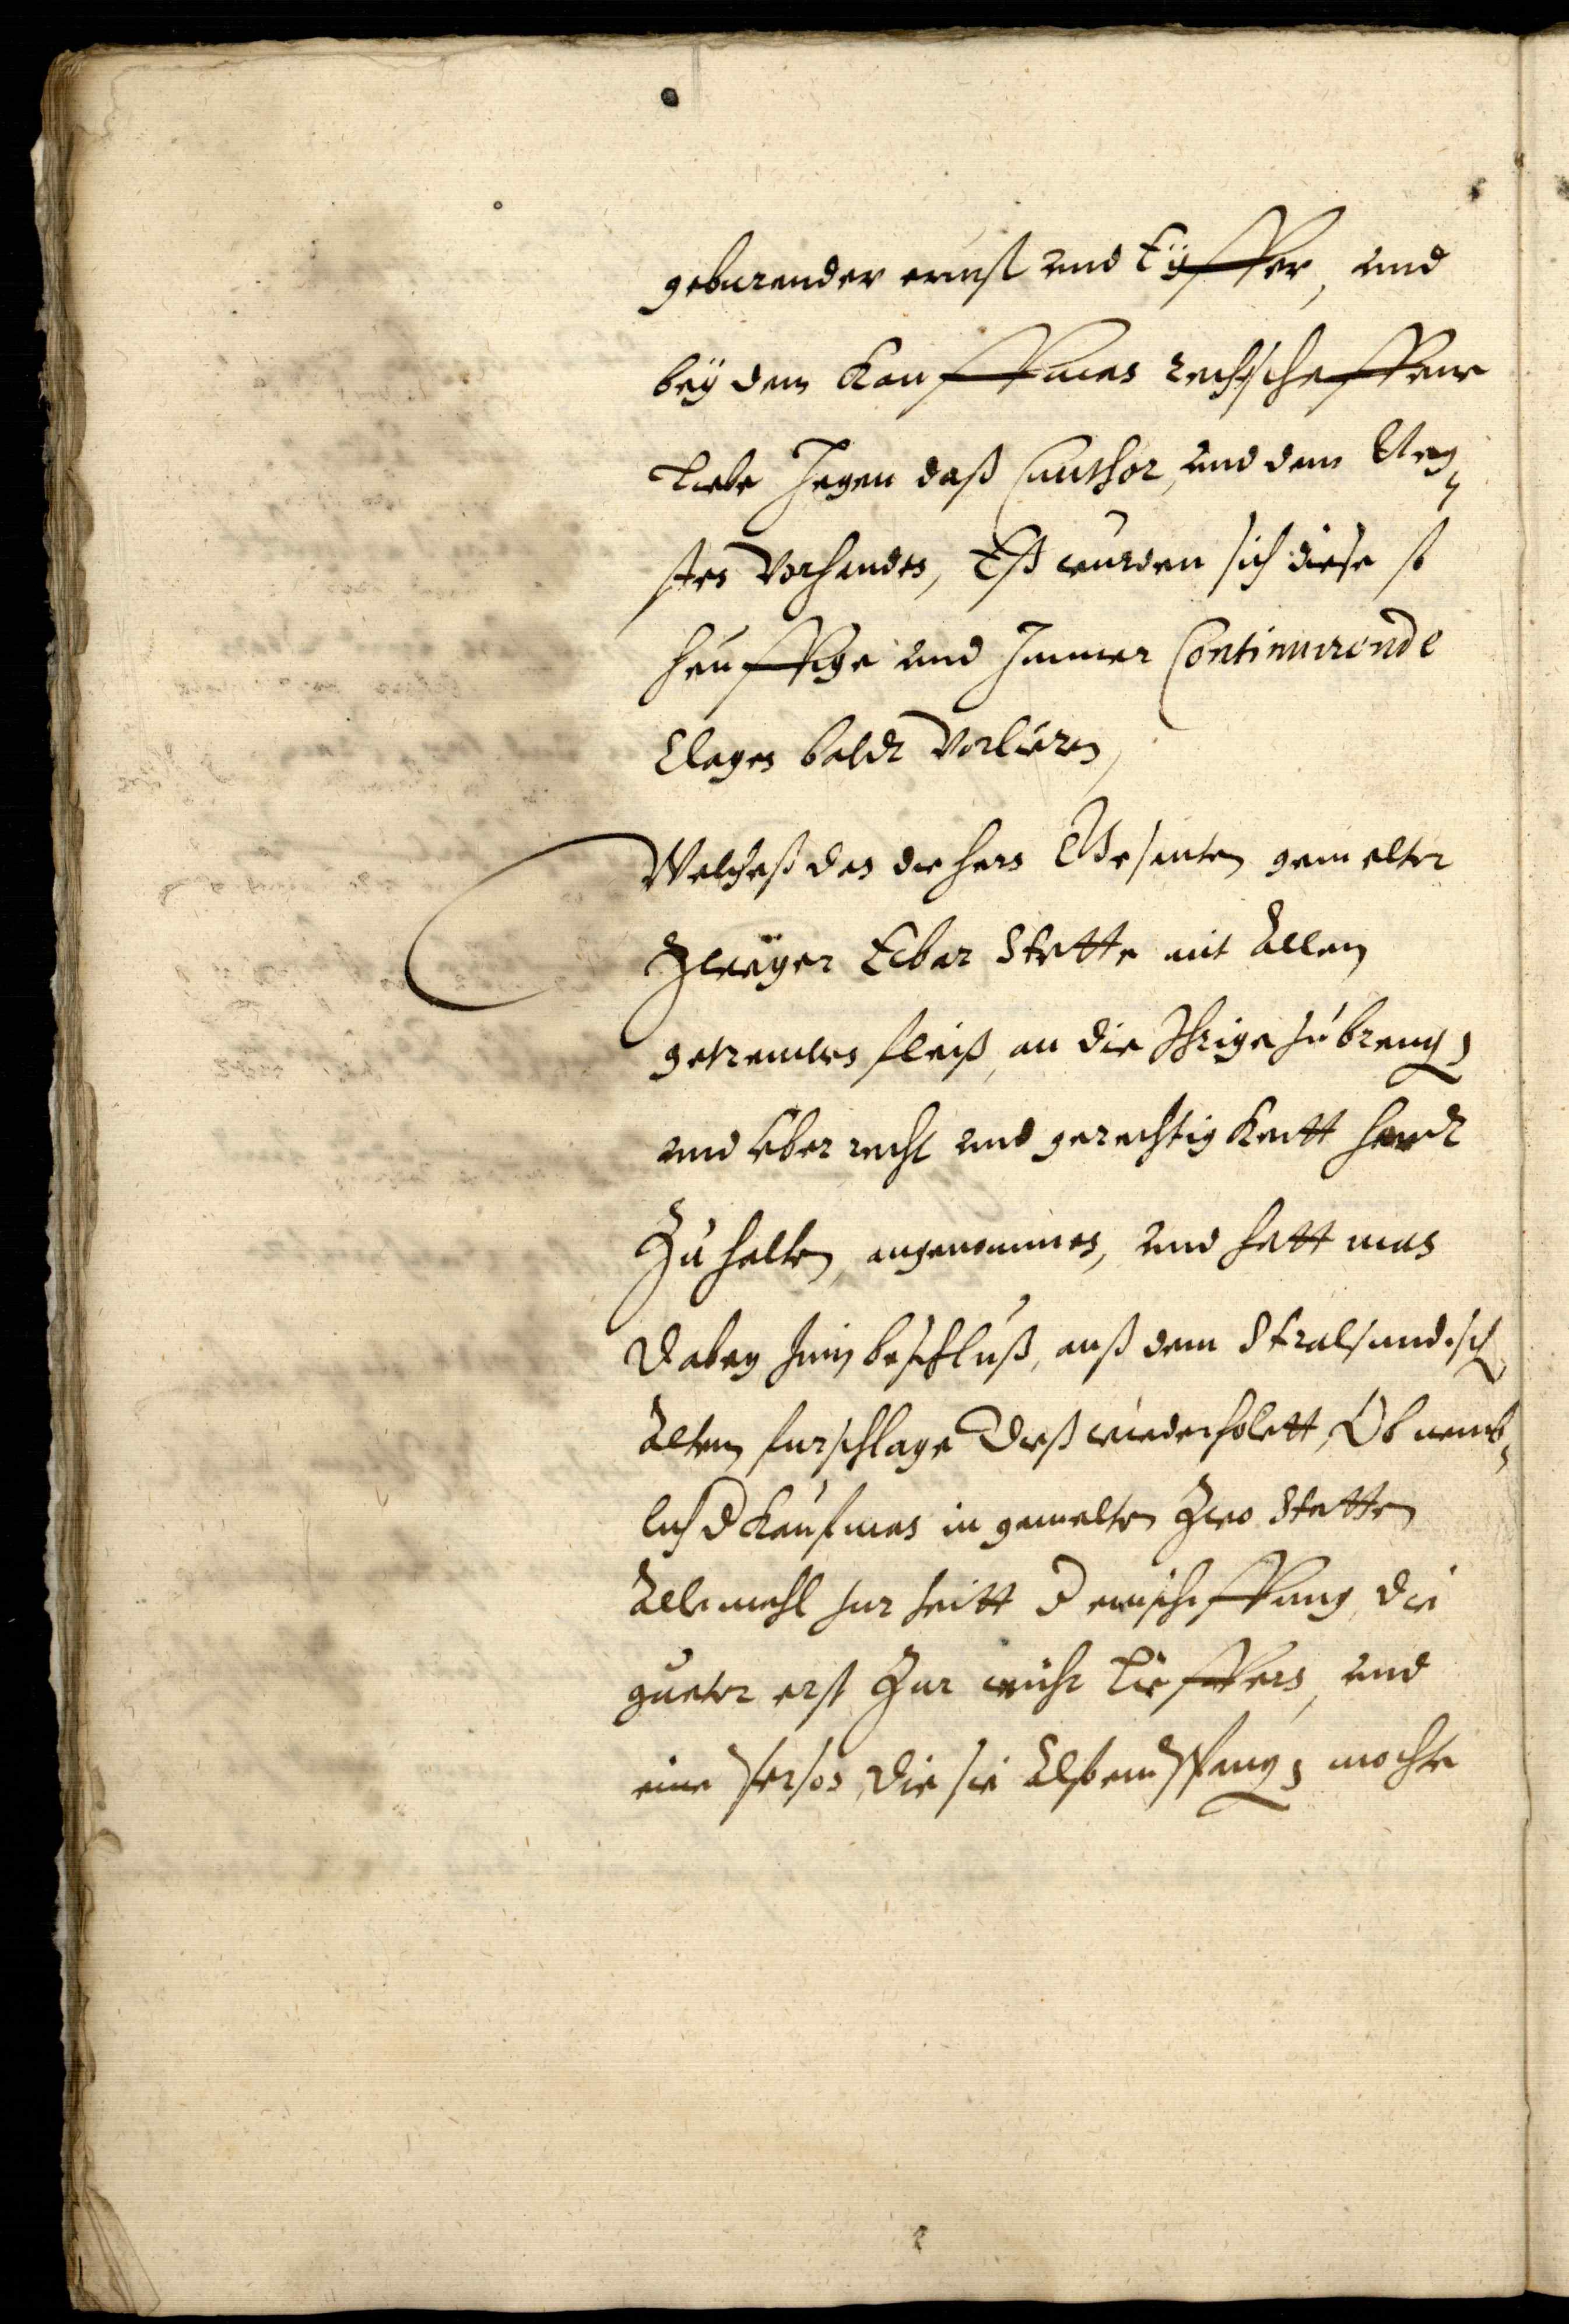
geburender ernst vnd Eijffer, vnd
beij dem kauffman rechtschaffender
Liebe ????? daß Cunthor, vnd dem Neg¬
sten vorhanden, Es werden sich diese so
heuffigen vnd Immer Continuirende
Clagen baldt verlieren,
Welcheß dan der hern Gesanten gemelten
zweijen Erbar Stette mit Allem
ge???den fleiß an die Ihrige zu brengen ?
vnd uber recht vnd gerechtigkeitt handt
zu halten, angenommen , vnd hatt man
dabeij zum beschluß, auß de Stralsundischen
Altem furschlage dieß wiederfahrtt, ob nemb¬
lich der kaufman in gemelten zwo Stetten
Alemahl zur zeitt der einschiffung die
gueter erst zur wicht lieffern, vnd
eine Person, die sie Also empfangen mochte
